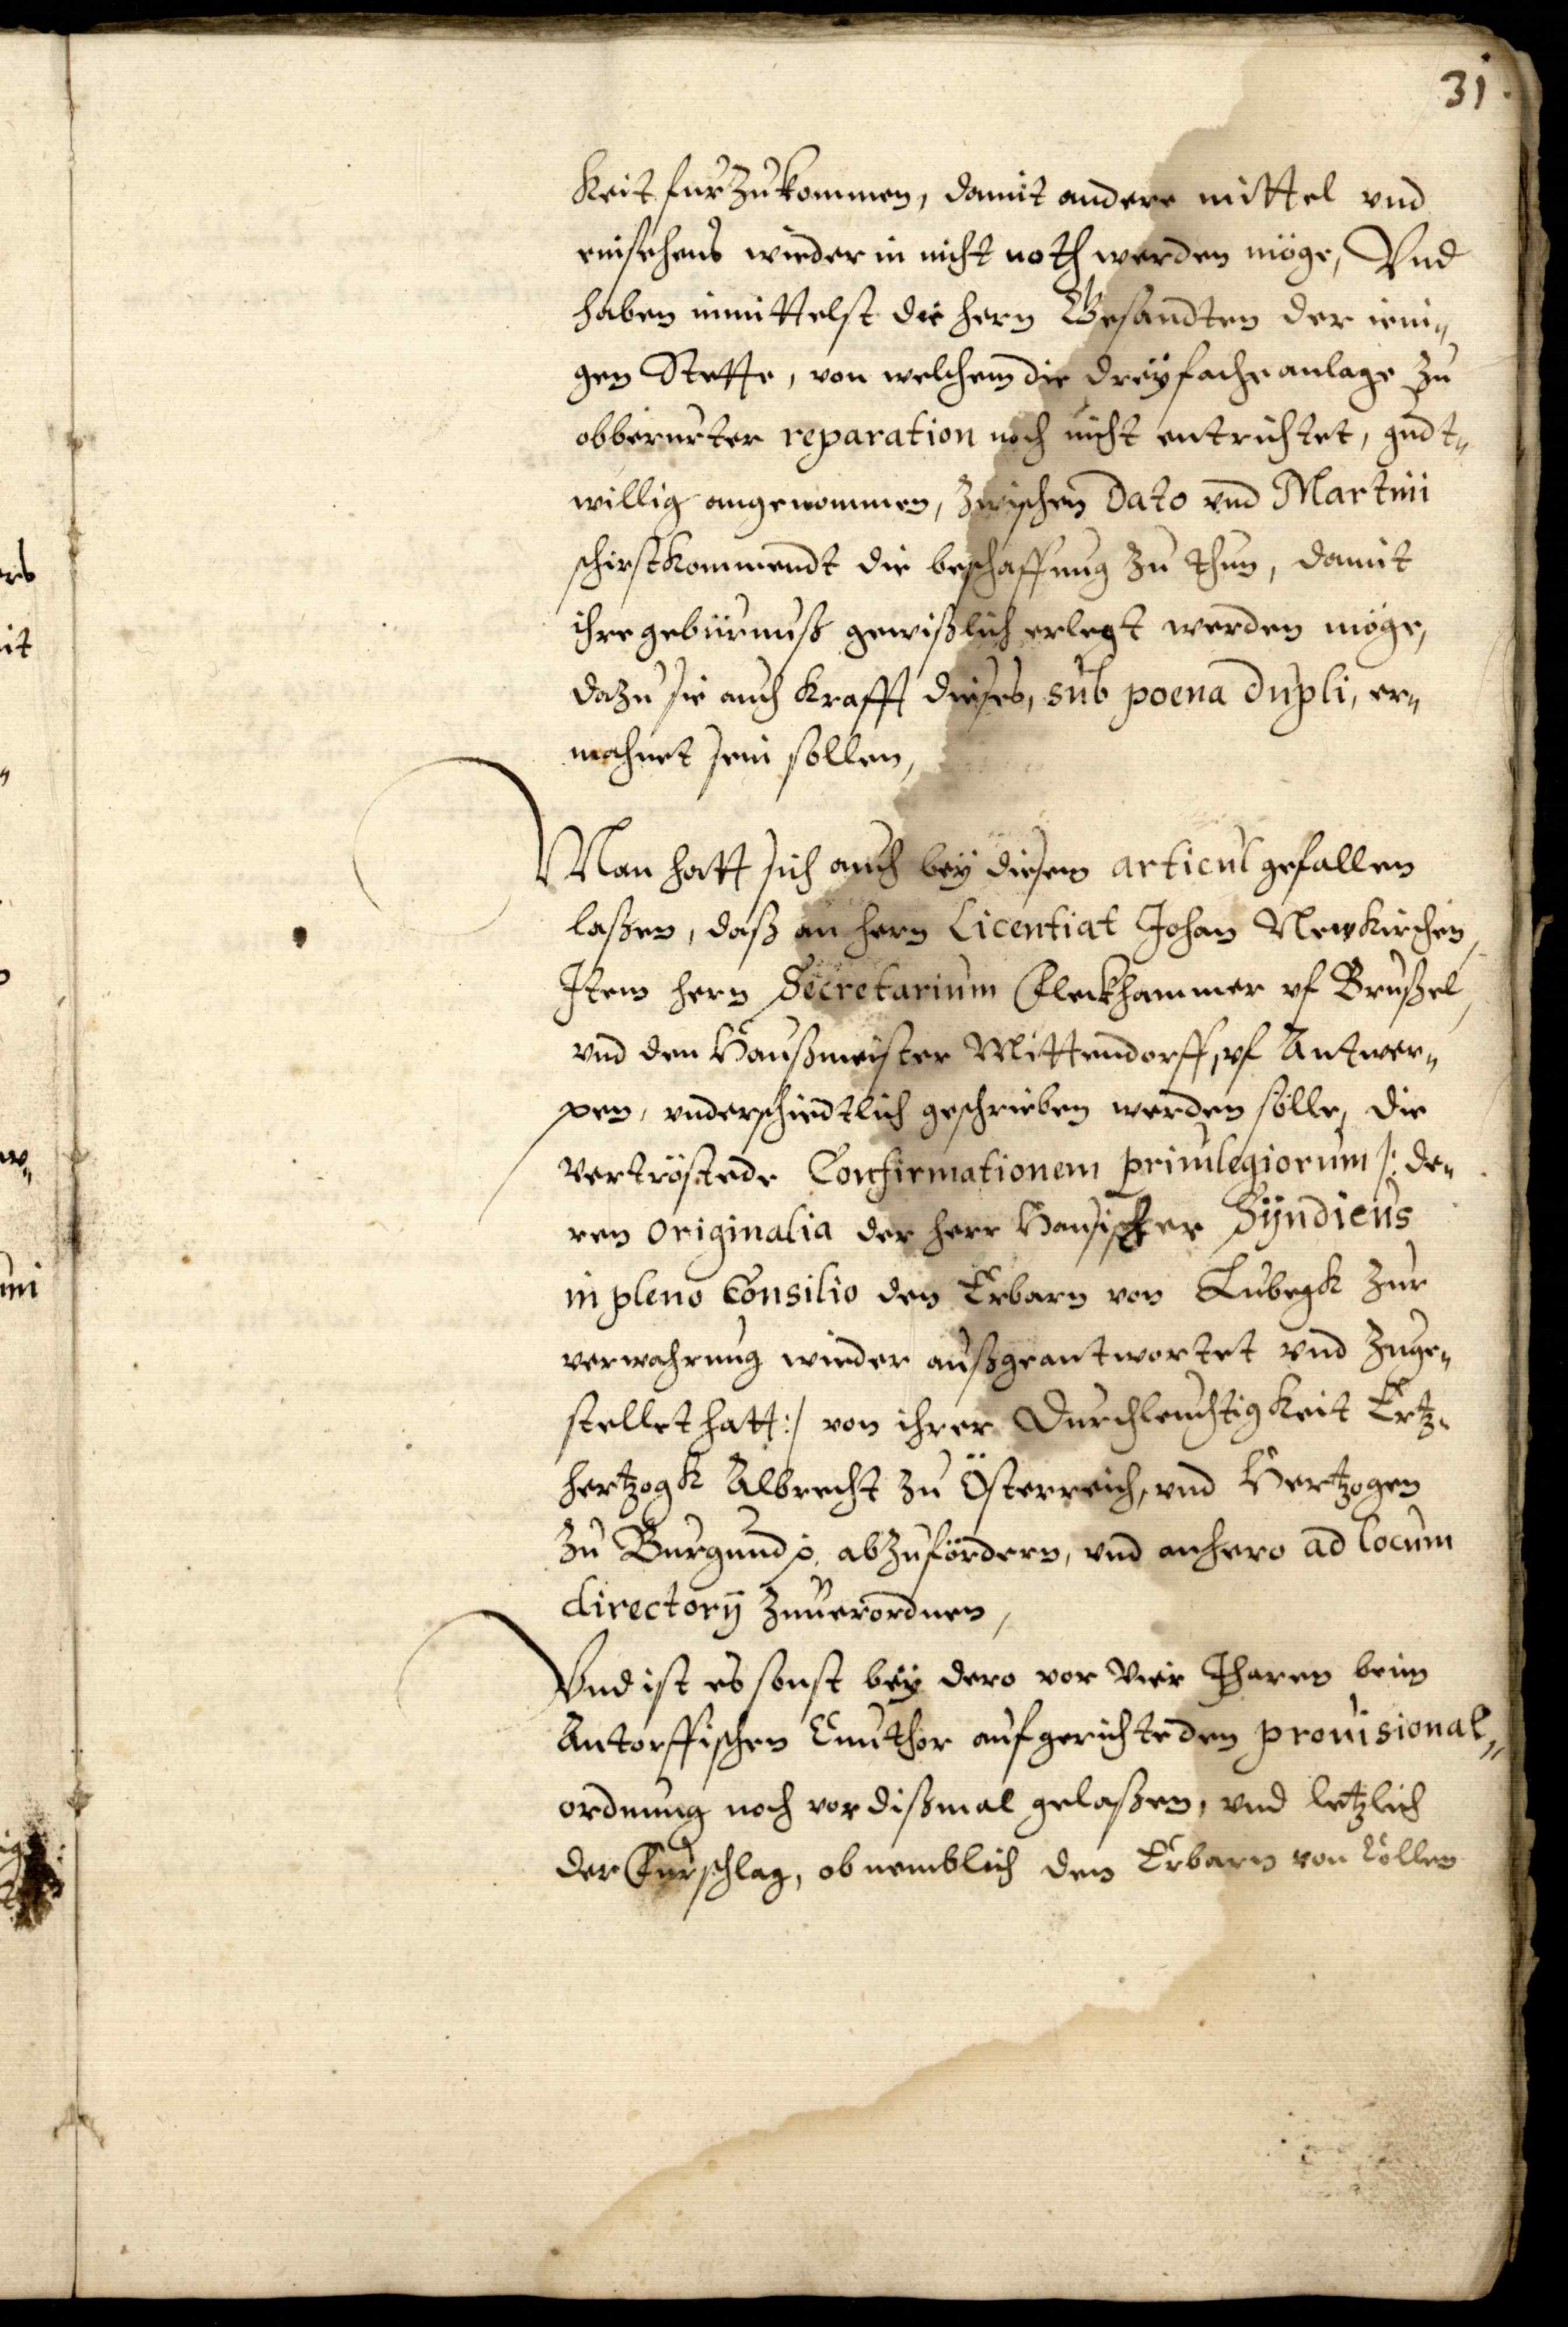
31.
keit furzukommen, damit andere mittel vnd
einsehens wieder in nicht noth werden möge, Vnd
haben inmittelst die hern Gesandten der ieni¬
gen Stette, von welchen die dreijfache anlage zu
obberurter reparation noch nicht entrichtet, gudt¬
willig angenommen, zwischen Dato und Martinii
schirstkommendt die beschaffung zu thun, damit
ihre gebürnuß gewißlich erlegt werden möge,
dazu sie auch krafft dieses, sub poena dupli, er¬
mahnet sein sollen,
Man hatt sich auch beij diesem articul gefallen
laßen, daß an hern Licentiat Johan Newkirchen,
Item hern Secretarium Fleckhammer vf Brußel,
vnd dem Haußmeister Mittendorff, vf Antwer¬
pen, vnderschiedtlich geschrieben werden sölle, die
vertröstende Confirmationem privilegiorum |: de¬
ren originalia der herr Hansischer Sijndicus
in pleno consilio den Erbarn von Lubegk zur
verwahrung wieder außgeantwortet vnd zuge¬
stellet hatt :| von ihrer Durchleuchtigkeit Ertz¬
hertzogk Albrecht zu Österreich, vnd Hertzogen
zu Burgund p. abzufördern, vnd anhero ad locum
directorij zuuervordnen,
Vnd ist es sonst beij dero vor vier Jharen beim
Antorffischen Cunthor aufgerichteden provional¬
ordnung noch dißmal gelaßen, vnd letzlich
der Furschlag, ob nemblich den Erbarn von Cöllen
